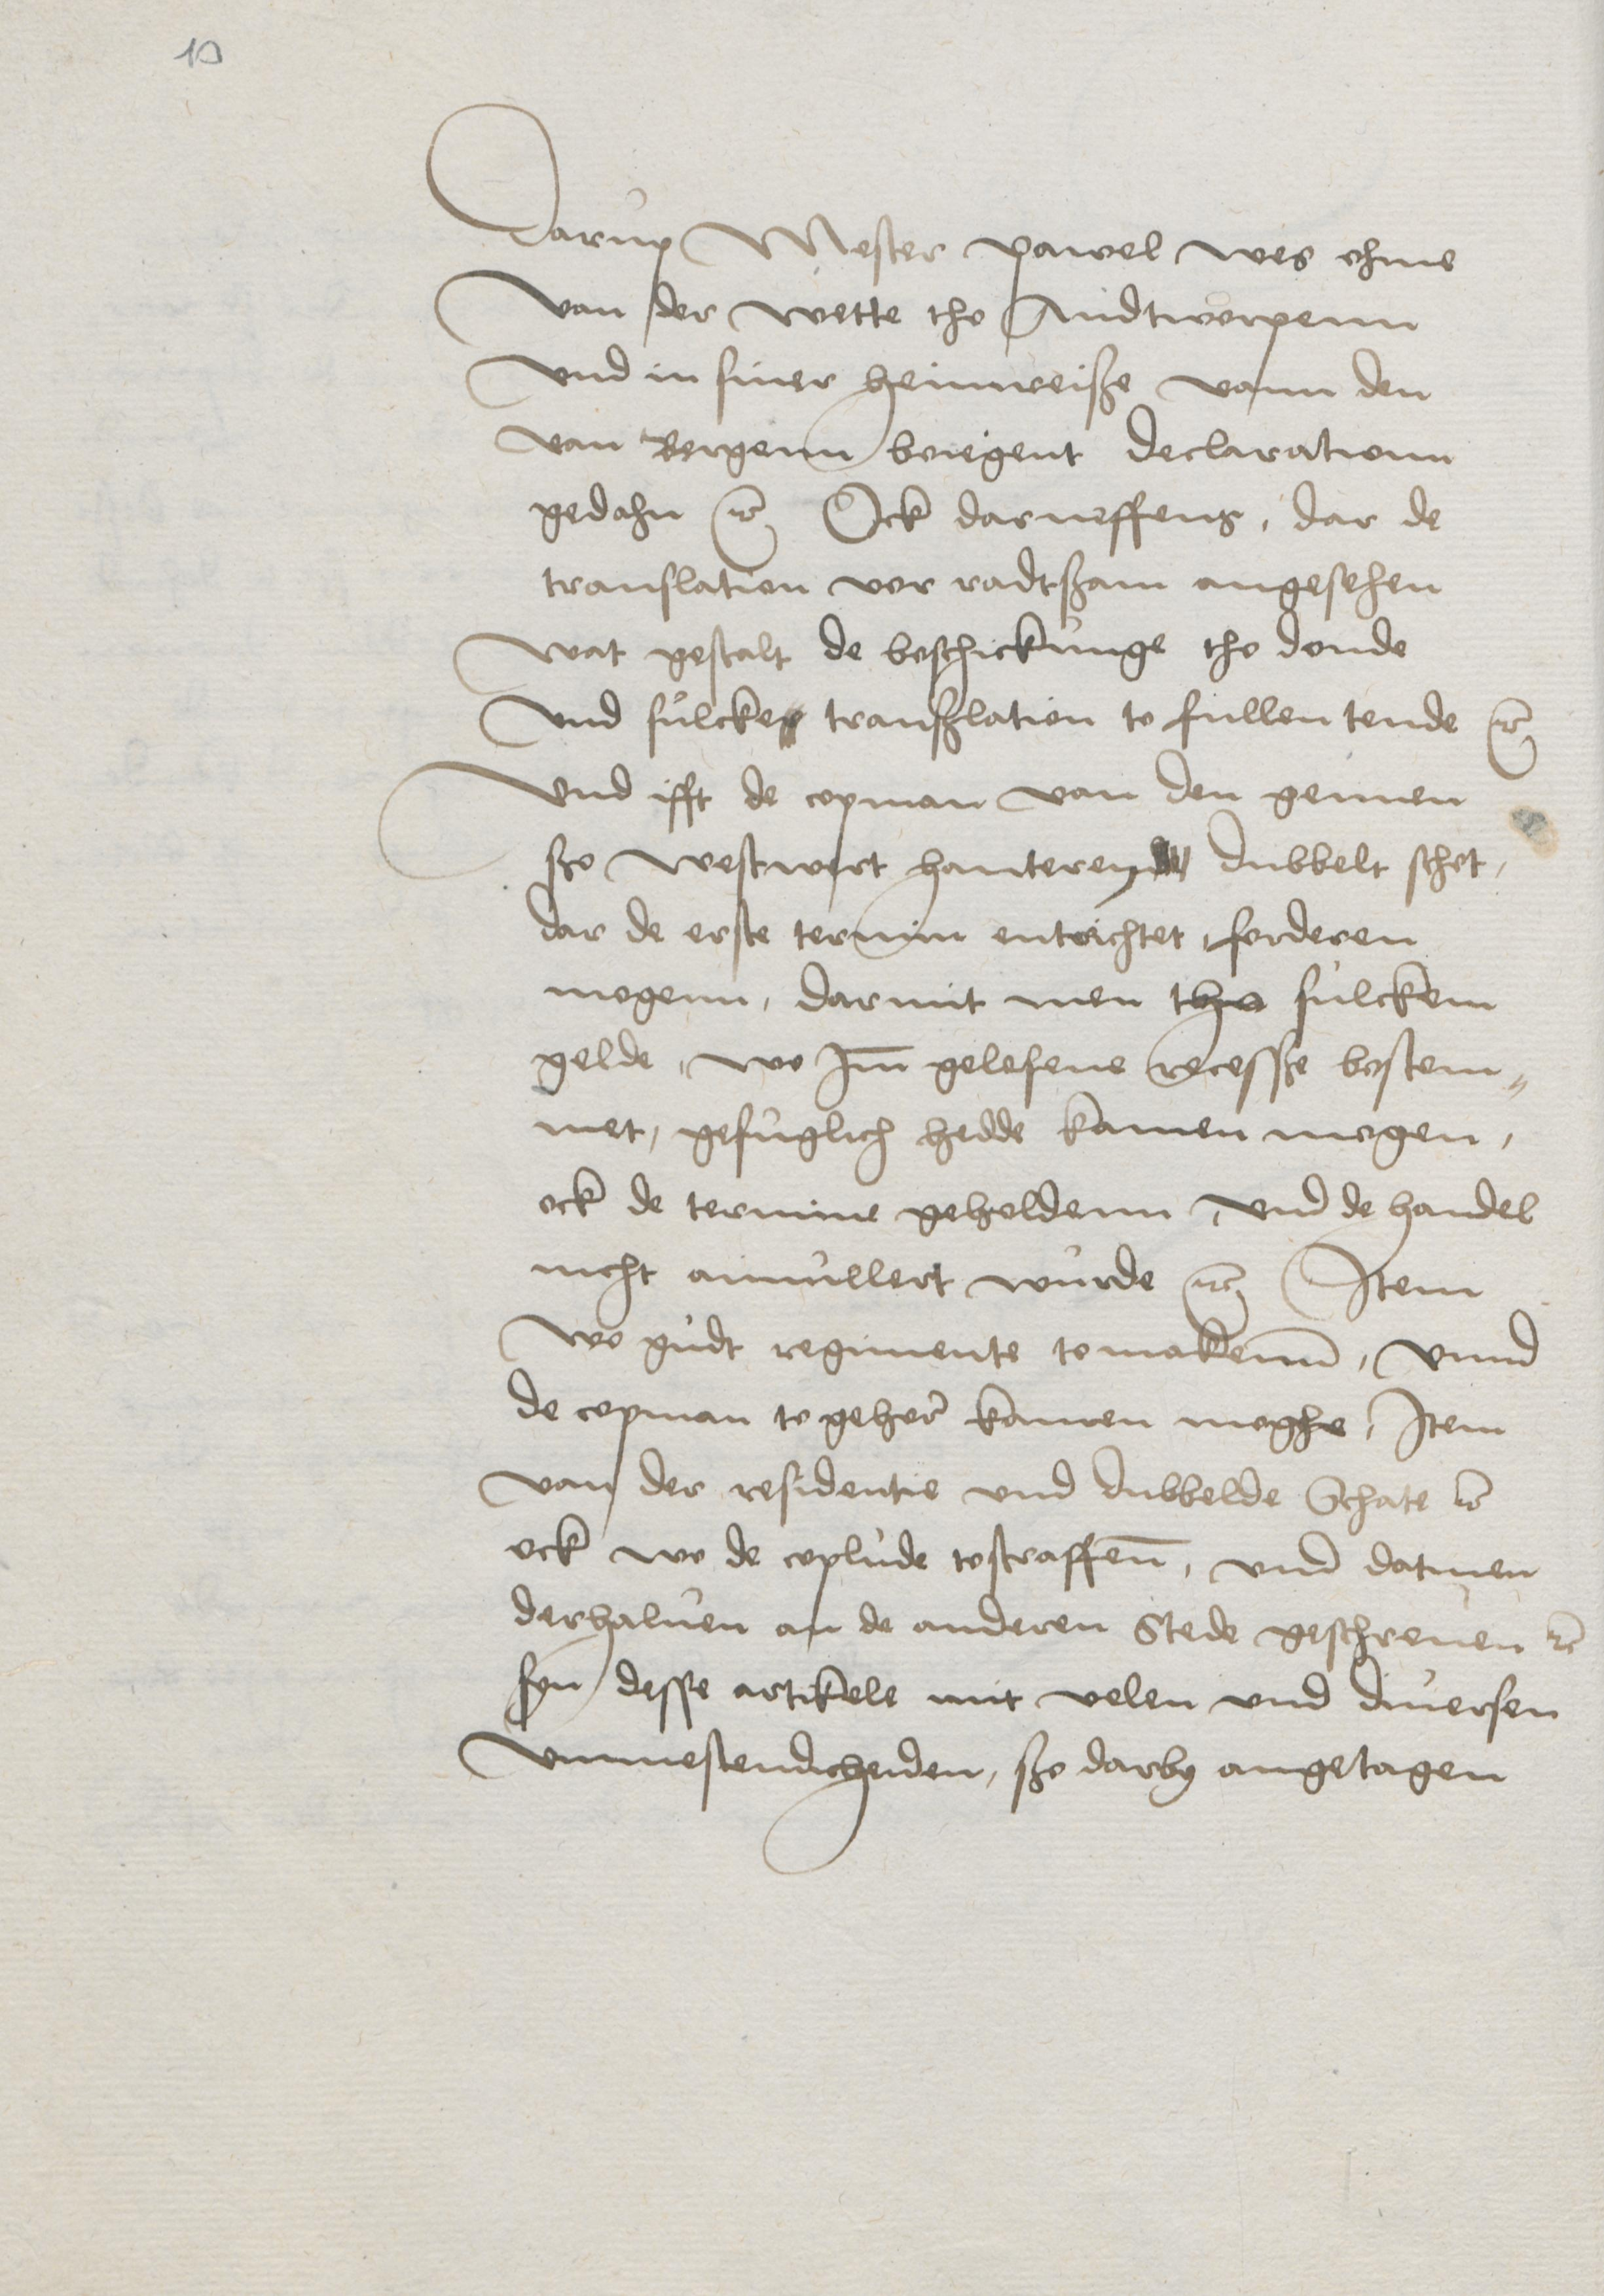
Darup Mester pawel wes ohne
van der wette tho Andtwerpenn
vnd in siner heimreiße vann den
van Bergenn beiegent declarationn
gedahn etc Ock darneffens, dar de
translation vor radtßam angesehen
wat gestalt de beschickunge tho donde
vnd sulke. tranßlation to fullen tende etc
vnd ifft de copman van den gemen
ßo westwert hanterey.. dubbelt schet
dar de erste termin entrichtet, forderen
mogenn, darmit men tho sulckem
gelde, wo jm gelesene recesße bestem¬
met, gefuglich hedde kamen mogen,
ock de termine geholdenn, vnd de handel
nicht annullert wurde etc jtem
wo gudt regimente to makenn, vnnd
de copman to gehor kamen moghe, Jtem
van der residentie vnd dubbelde Schate etc
ock we de coplude tostraffen, vnd datmen
derhaluen an de anderen Stede geschreuen etc
syn desse artikele mit velen vnd diuersen
vmmestendicheiden, ßo darbij angetagen
